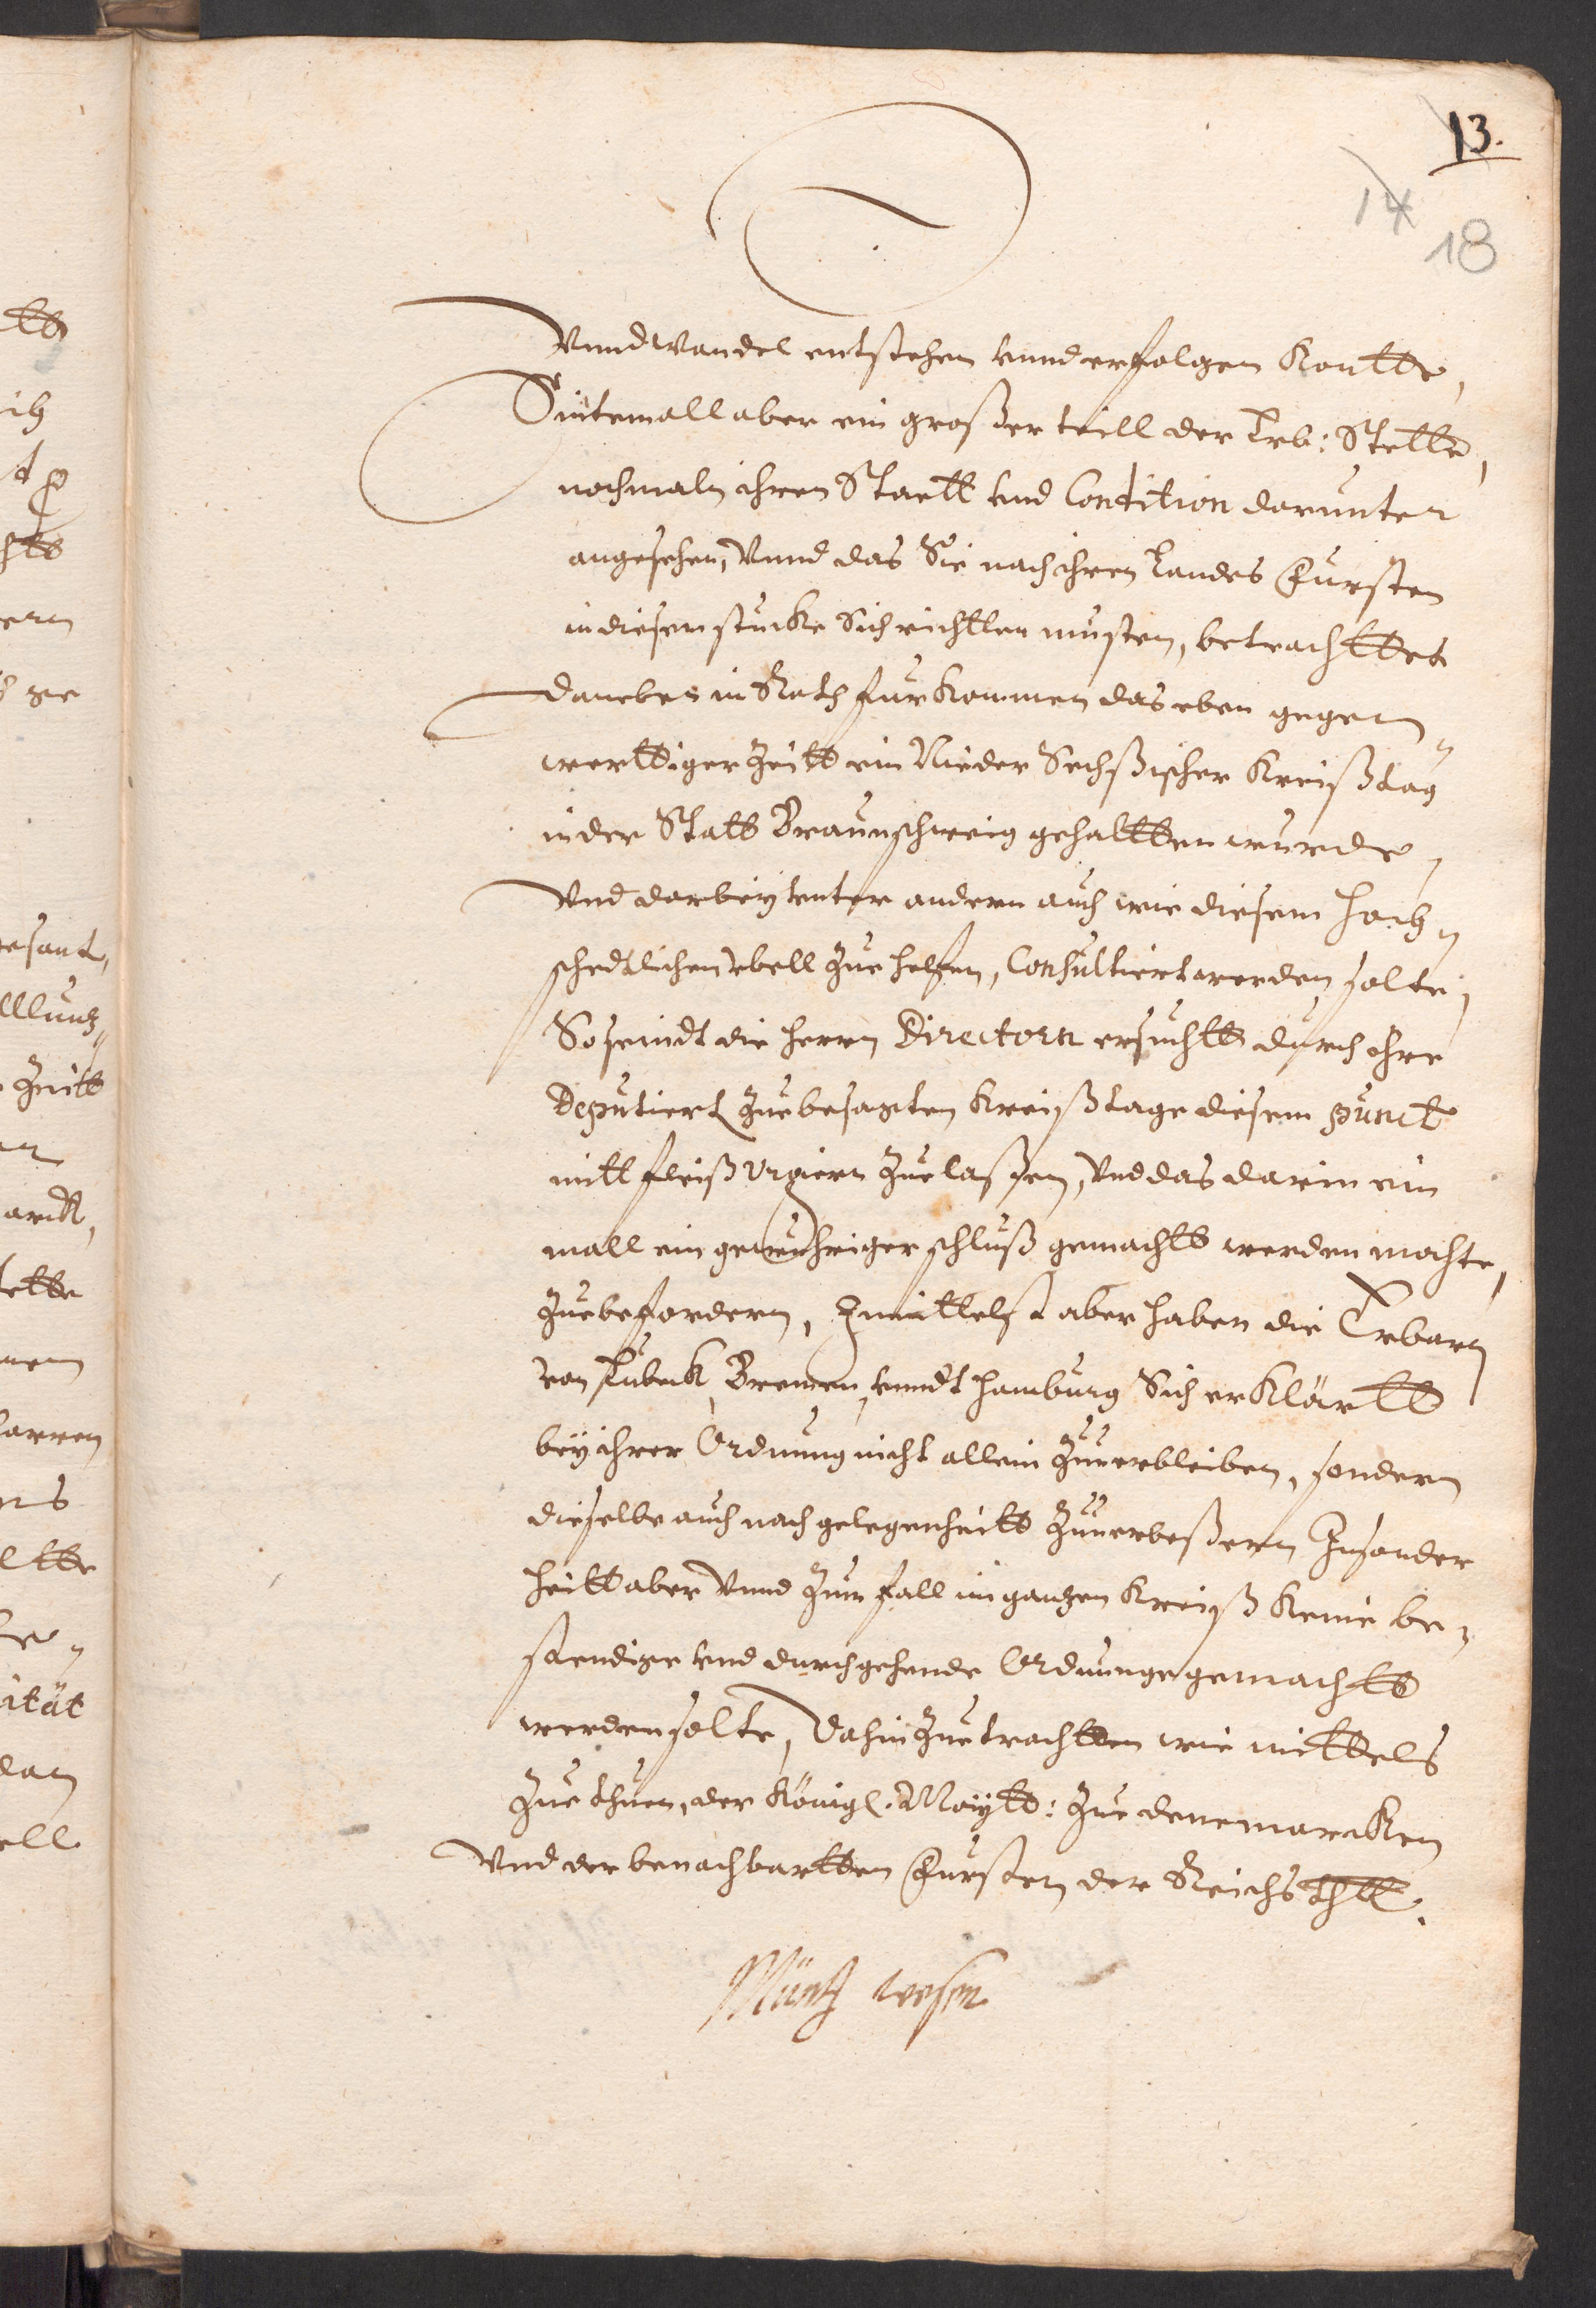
13
Vnnd wandel entstehen vnnd erfolgen kontte,
Sintemall aber ein großer teill der Erb: Stette,
nochmaln ihren Staett vnd Condition darunter
angesehen, Vnnd das Sie nach ihren Landes Fursten
in diesem stucke Sich richtten musten, betrachttet
daneben in Rath furkommen das eben gegen¬
werttiger zeitt ein Nieder Sechßischer kreißtag
in der Statt Braunschweig gehaltten wurde,
Vnd darbeij vnter andern auch wie diesem hoch¬
schedtlichen vbell zue helfen, Consultiert werden solte,
So seindt die herrn Directorn ersuchtt durch ihre
Deputierten zue besagten kreißtage diesem punct
mit fleiß vrgiern zue laßen, vnd das darin ein
mall ein gewuhriger schluß gemachtt werden mochte,
zuebefordern, Jnmittelst aber haben die Erbarn
von Lubeck, Bremen, vnndt hamburg Sich erklärtt
beij ihrer Ordnung nicht allein zuuerbleiben, sondern
dieselbe auch nach gelegenheitt zuuerbeßern Jnsonder
heitt aber Vnnd zum fall im gantzen kreiß keine be¬
stendige vnd durchgehende Ordnunge gemachtt
werden solte, dahin zue trachtten wie mittels
zue thuen, der Königl. Maijtt: zue denemarcken
Vnd der benachbartten Fursten der Reichsthll.
Müntz wesen.
